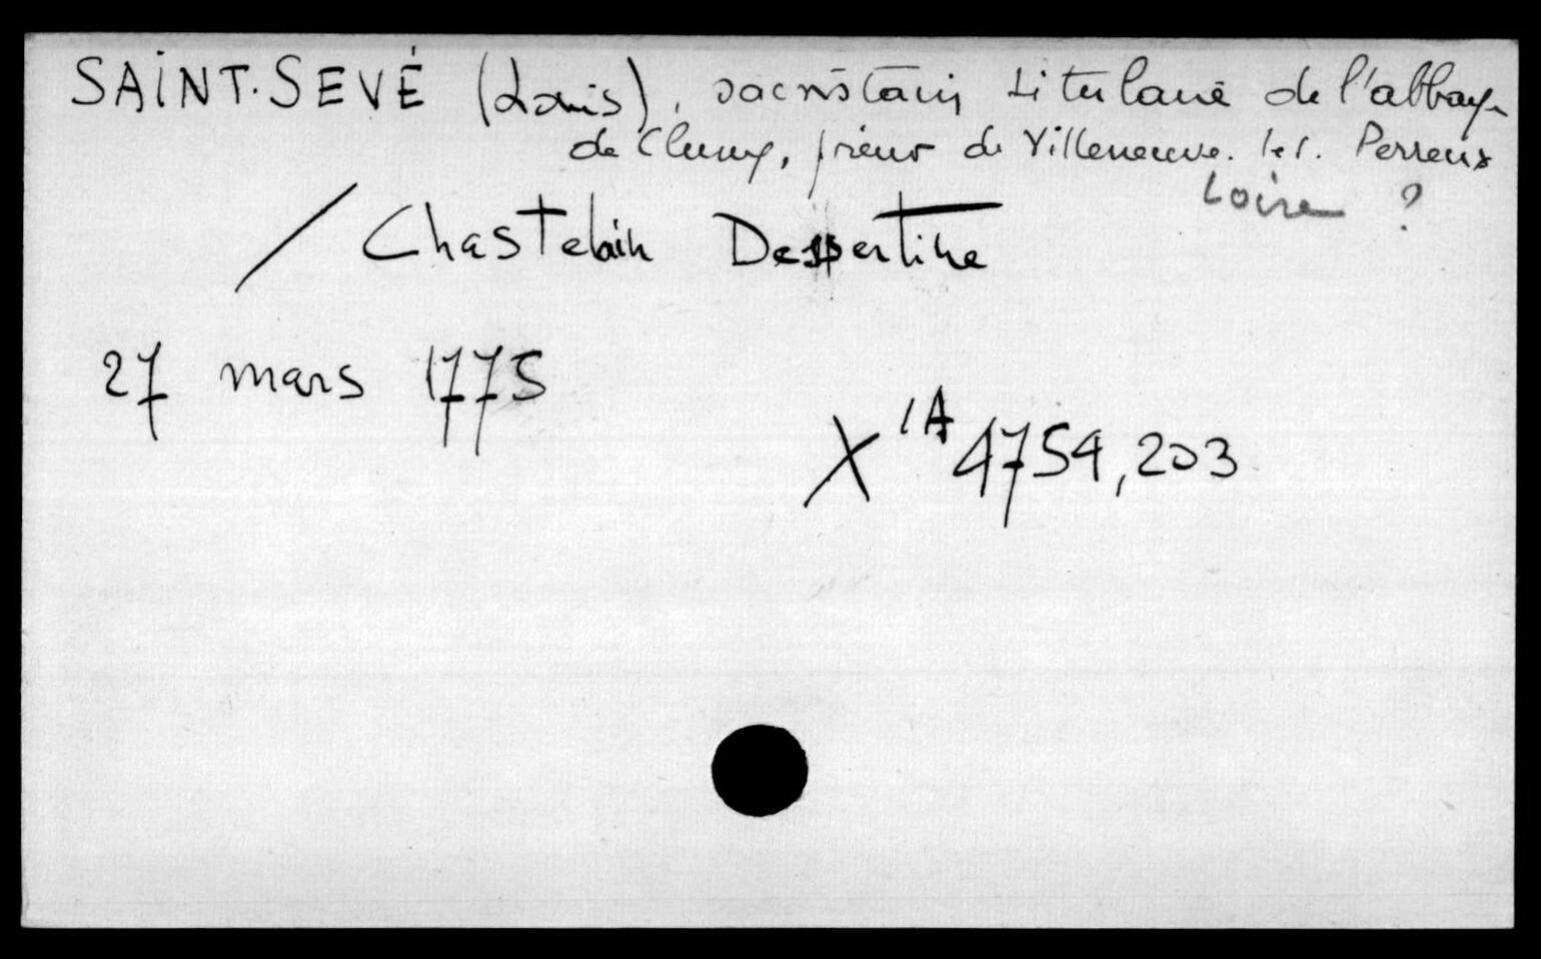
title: SAINT-SEVÉ (Louis), Sacristain titulaire de l'abbaye de Cluny, prieur de Villeneuve lès Perreux Loire ?
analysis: Contre Chastelain Dessertine
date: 27 mars 1775
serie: X1A
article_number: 4754
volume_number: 203
